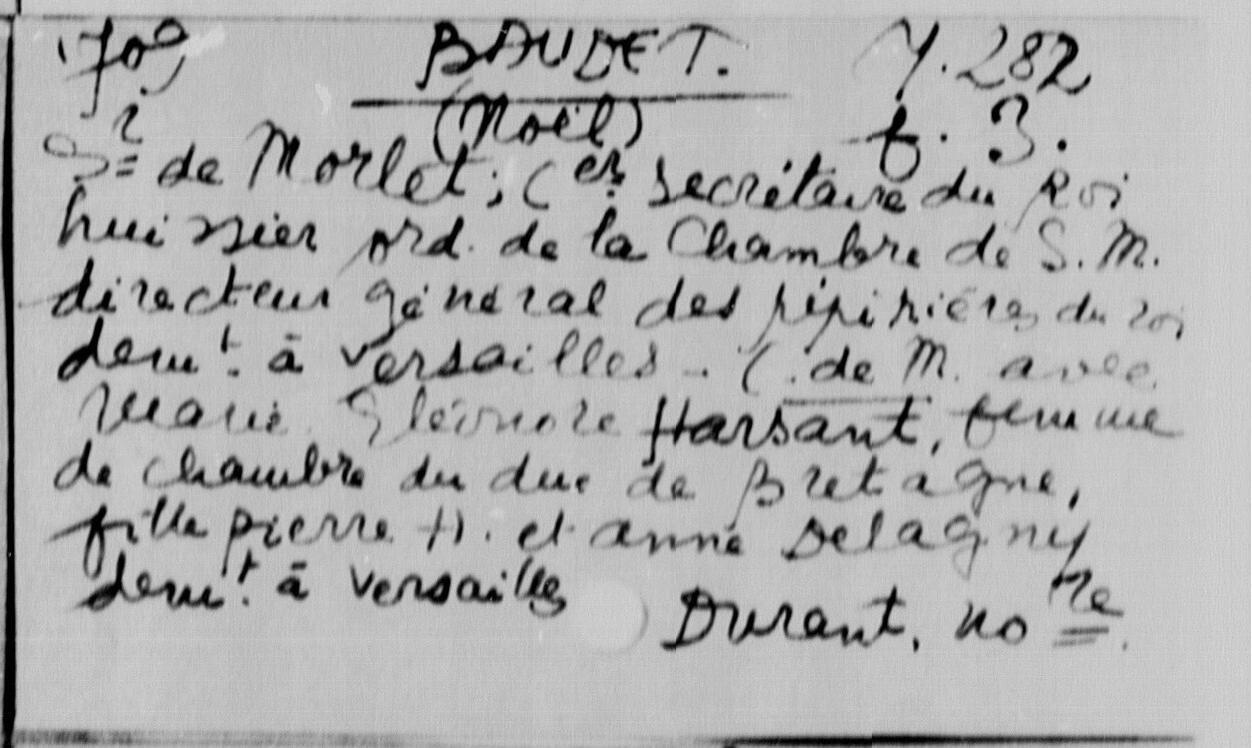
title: BAUDET (Noël)
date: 1709
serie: Y
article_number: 282
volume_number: folio 3
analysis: Seigneur de Morlet, conseiller secrétaire du roi, huissier ordinaire de la Chambre de Sa Majesté, directeur général des pépinières du roi, demeurant à Versailles Contrat de mariage avec Éléonore Harsant, femme de chambre du duc de Bretagne, fille Pierre Harsant et Anne Delagny, demeurant à Versailles Durant, notaire
